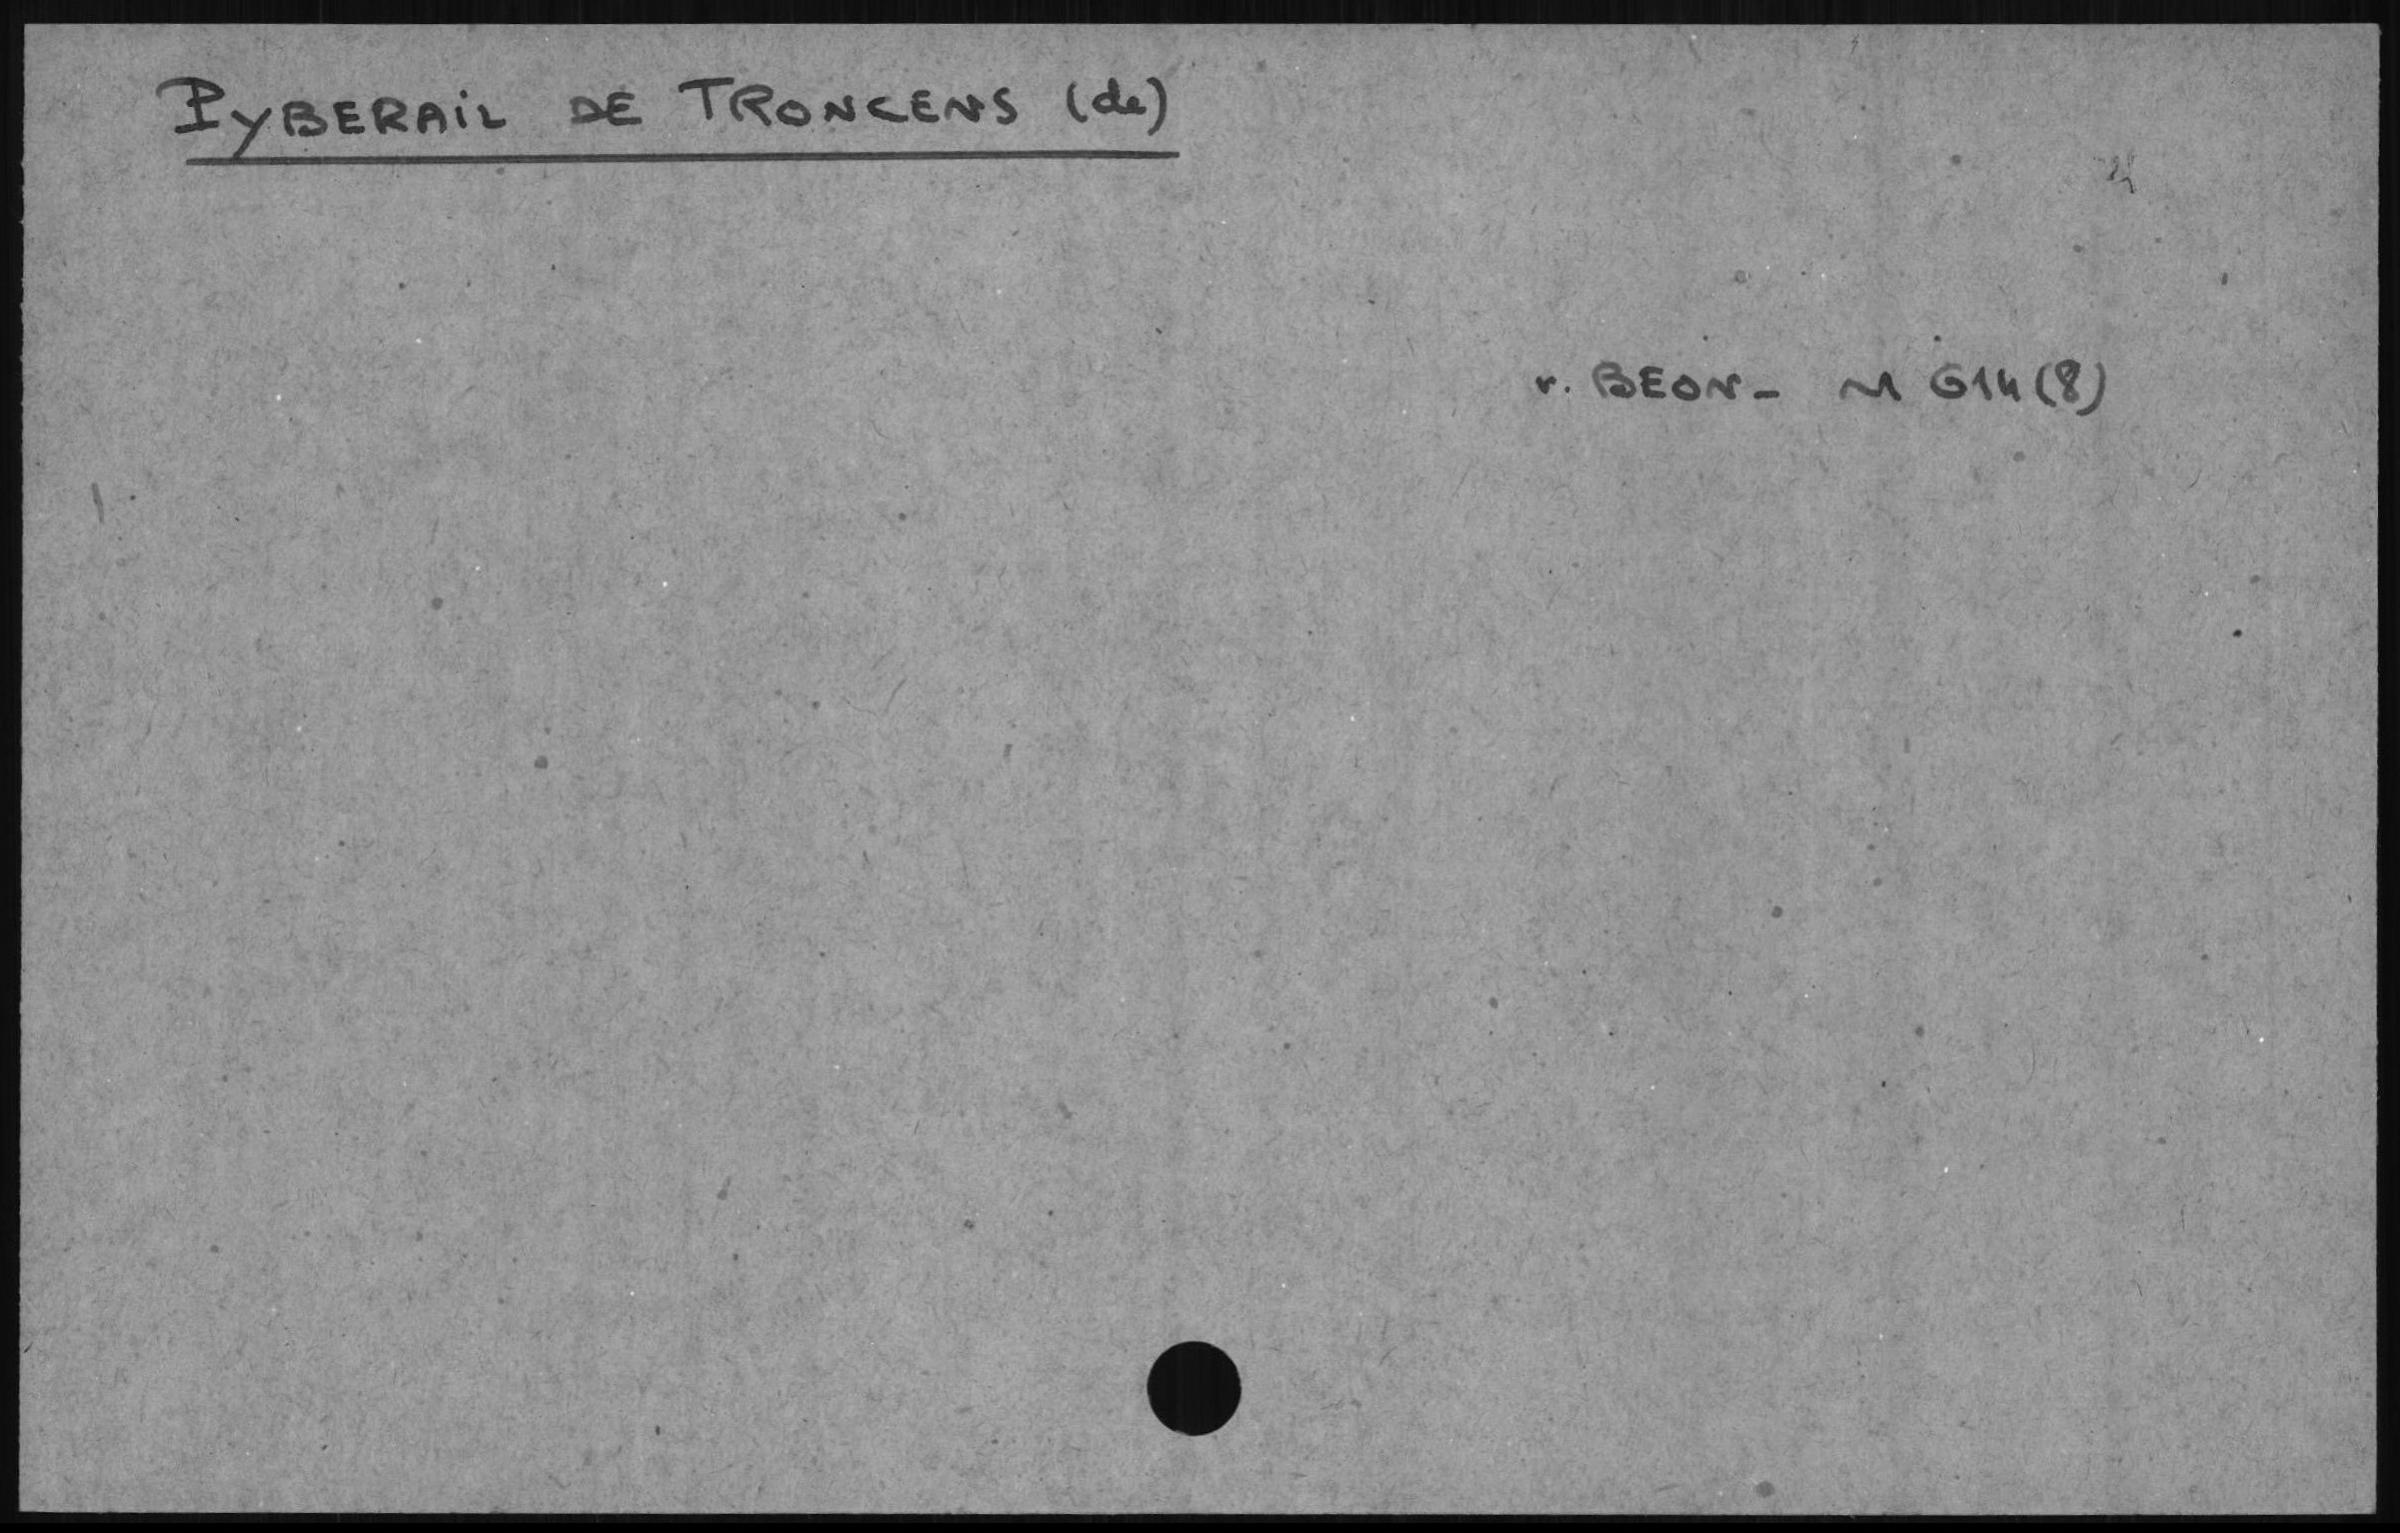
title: PYBERAIL DE TRONCENS (de)
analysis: voir : BEON.
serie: M
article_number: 614
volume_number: (8)
